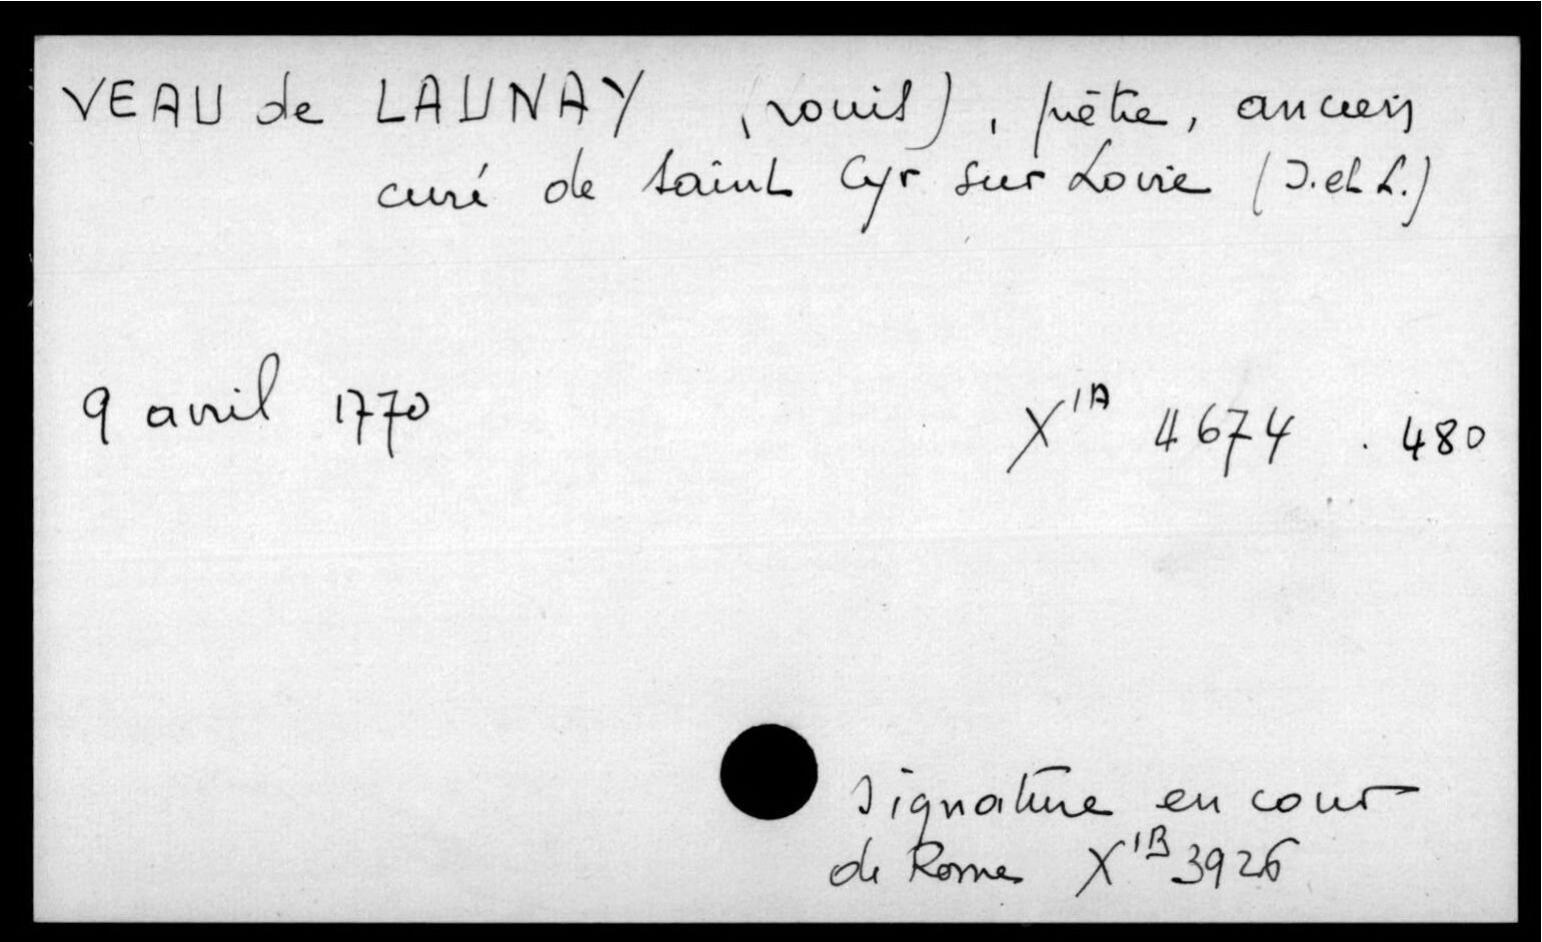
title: VEAU de LAUNAY (Louis), prêtre, ancien curé de Saint-Cyr-sur-Loire (Indre-et-Loire)
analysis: Signature en cour de Rome, X1b 3926
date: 9 avril 1770
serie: X1A
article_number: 4674
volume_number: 480
